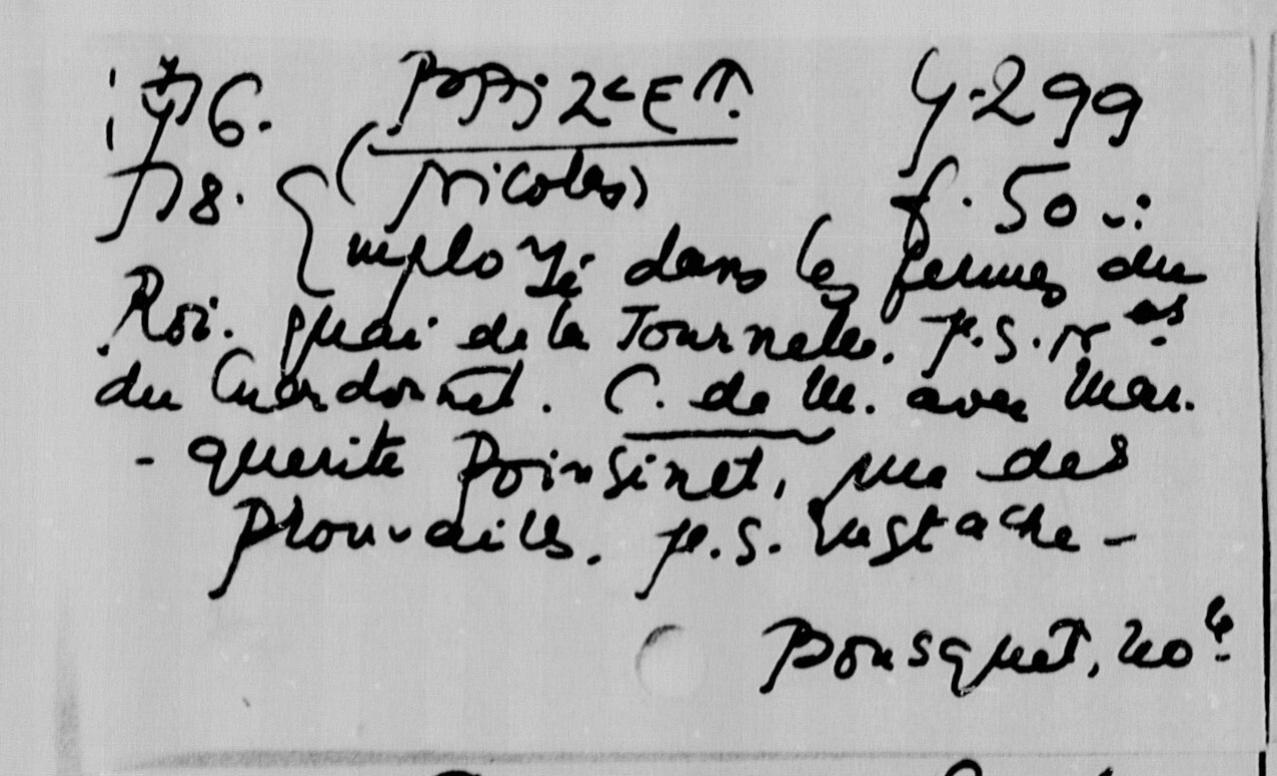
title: BAILLET (Nicolas)
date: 1716
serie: Y
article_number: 299
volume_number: folio 50v
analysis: Employé dans les fermes du roi, quai de la Tournelle, paroisse Saint-Nicolas-du-Chardonnet Contrat de mariage avec Marguerite Poinsinet, rue des Prouvaires, paroisse Saint-Eustache Bousquet, notaire
